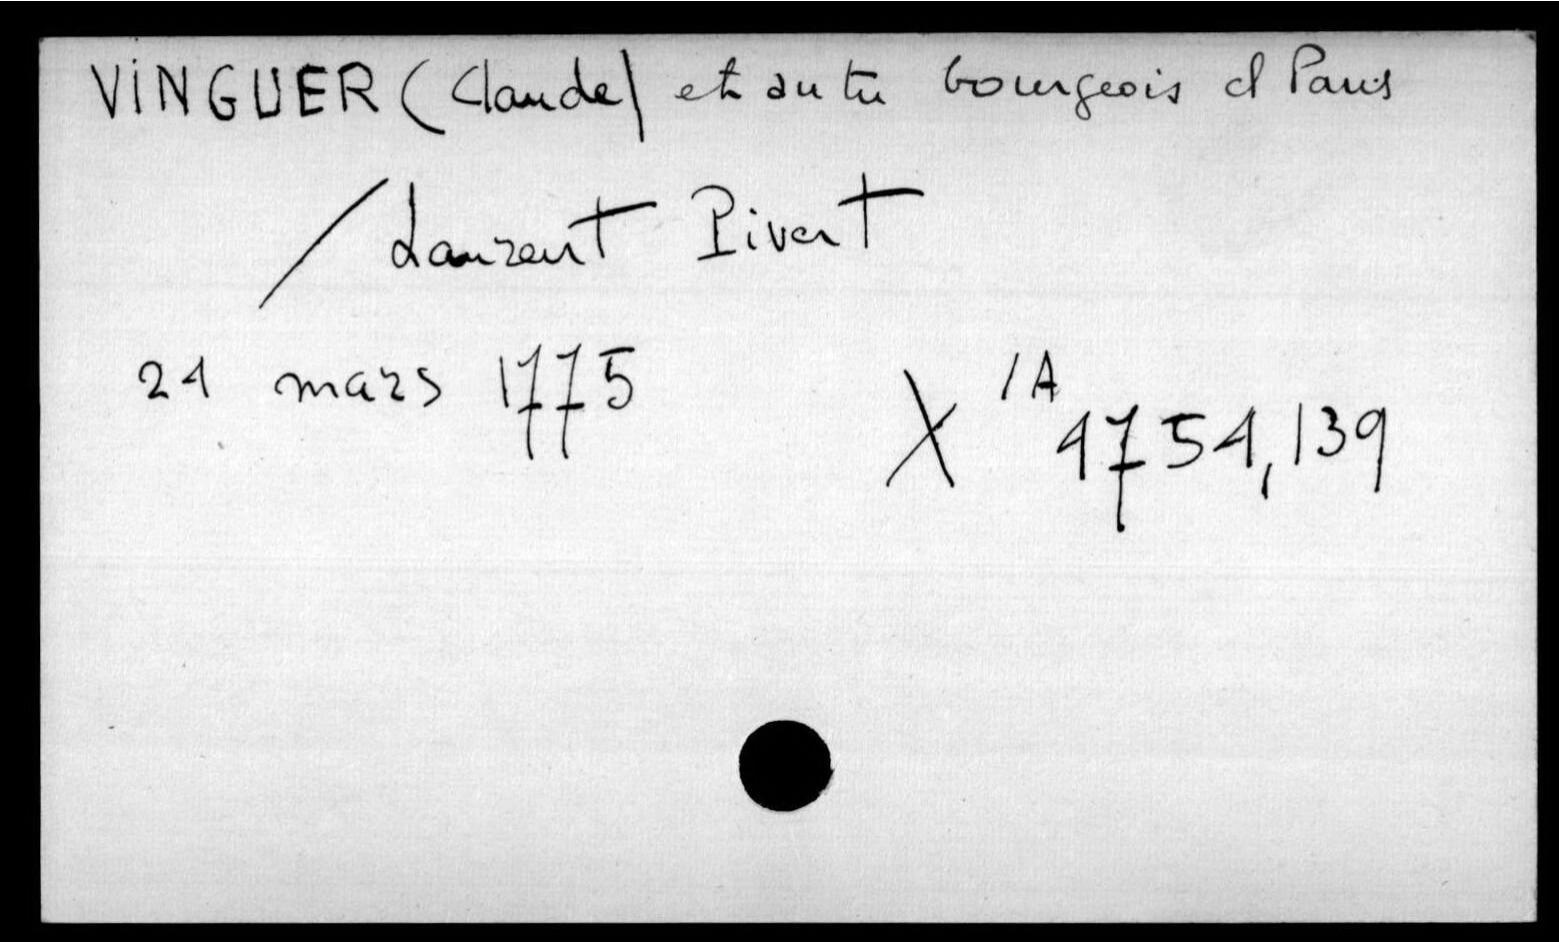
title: VINGUER (Claude) et autre bourgeois de Paris
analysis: Contre Laurent Pivert
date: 24 mars 1775
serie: X1A
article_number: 4754
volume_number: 139
